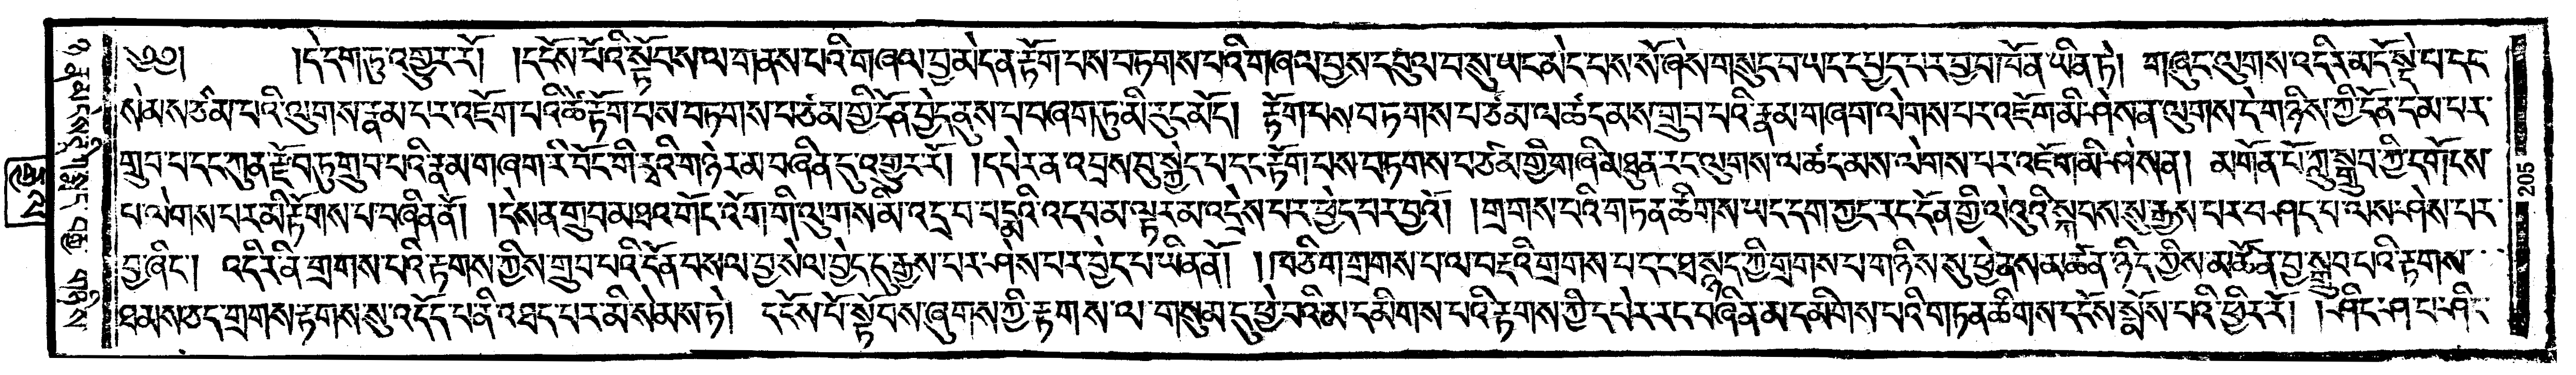༄༅། །དེ་དག་ཏུ་འགྱུར་རོ། །དངོས་པོའི་སྟོབས་ལ་གནས་པའི་གཞལ་བྱ་མེད་ན་རྟོག་པས་བཏགས་པའི་གཞལ་བྱས་དབུལ་བ་སུ་ཡང་མེད་པས་སོ་ཞེས་གསུང་བ་ཡང་དཔྱད་པར་བྱ་བ་ཁོ་ན་ཡིན་ཏེ། གཞུང་ལུགས་འདིར་མདོ་སྡེ་པ་དང་
སེམས་ཙམ་པའི་ལུགས་རྣམ་པར་འཇོག་པའི་ཚེ་རྟོག་པས་བཏགས་པ་ཙམ་གྱི་དོན་བྱེད་ནུས་པ་བཞག་ཏུ་མི་རུང་མོད། རྟོག་པས་བཏགས་པ་ཙམ་ལ་ཚད་མས་གྲུབ་པའི་རྣམ་གཞག་ལེགས་པར་འཇོག་མི་ཤེས་ན་ལུགས་དེ་གཉིས་ཀྱི་དོན་དམ་པར་
གྲུབ་པ་དང་ཀུན་རྫོབ་ཏུ་གྲུབ་པའི་རྣམ་གཞག་རི་བོང་གི་རྭའི་གཉེར་མ་བཞིན་དུ་འགྱུར་རོ། །དཔེར་ན་འབྲས་བུ་སྐྱེད་པ་དང་རྟོག་པས་བཏགས་པ་ཙམ་གྱི་གཞི་མཐུན་རང་ལུགས་ལ་ཚད་མས་ལེགས་པར་འཇོག་མི་ཤེས་ན། མགོན་པོ་ཀླུ་སྒྲུབ་ཀྱི་དགོངས་
པ་ལེགས་པར་མི་རྟོགས་པ་བཞིན་ནོ། །དེས་ན་གྲུབ་མཐའ་གོང་འོག་གི་ལུགས་མི་འདྲ་བ་པདམའི་འདབ་མ་ལྟར་མ་འདྲེས་པར་ཕྱེད་པར་བྱའོ། །གྲགས་པའི་གཏན་ཚིགས་ཡང་དག་ཀྱང་རང་དོན་གྱི་ལེའུའི་སྐབས་སུ་རྒྱས་པར་བཤད་པ་ལས་ཤེས་པར་
བྱ་ཞིང་། འདིར་ནི་གྲགས་པའི་རྟགས་ཀྱིས་གྲུབ་པའི་དོན་བསལ་བྱ་སེལ་བྱེད་དུ་རྒྱས་པར་ཤེས་པར་བྱེད་པ་ཡིན་ནོ། །ཁ་ཅིག་གྲགས་པ་ལ་བརྔའི་གྲགས་པ་དང་ཐ་སྙད་ཀྱི་གྲགས་པ་གཉིས་སུ་ཕྱེ་ནས་མཚན་ཉིད་ཀྱིས་མཚོན་བྱ་སྒྲུབ་པའི་རྟགས་
ཐམས་ཅད་གྲགས་རྟགས་སུ་འདོད་པ་ནི་འཐད་པར་མི་སེམས་ཏེ། དངོས་པོ་སྟོབས་ཞུགས་ཀྱི་རྟགས་ལ་གསུམ་དུ་ཕྱེ་བའི་མ་དམིགས་པའི་རྟགས་ཀྱི་དཔེར་རང་བཞིན་མ་དམིགས་པའི་གཏན་ཚིགས་དངོས་སྨོས་པའི་ཕྱིར་རོ། །ཤིང་ཤ་པ་ཤིང་